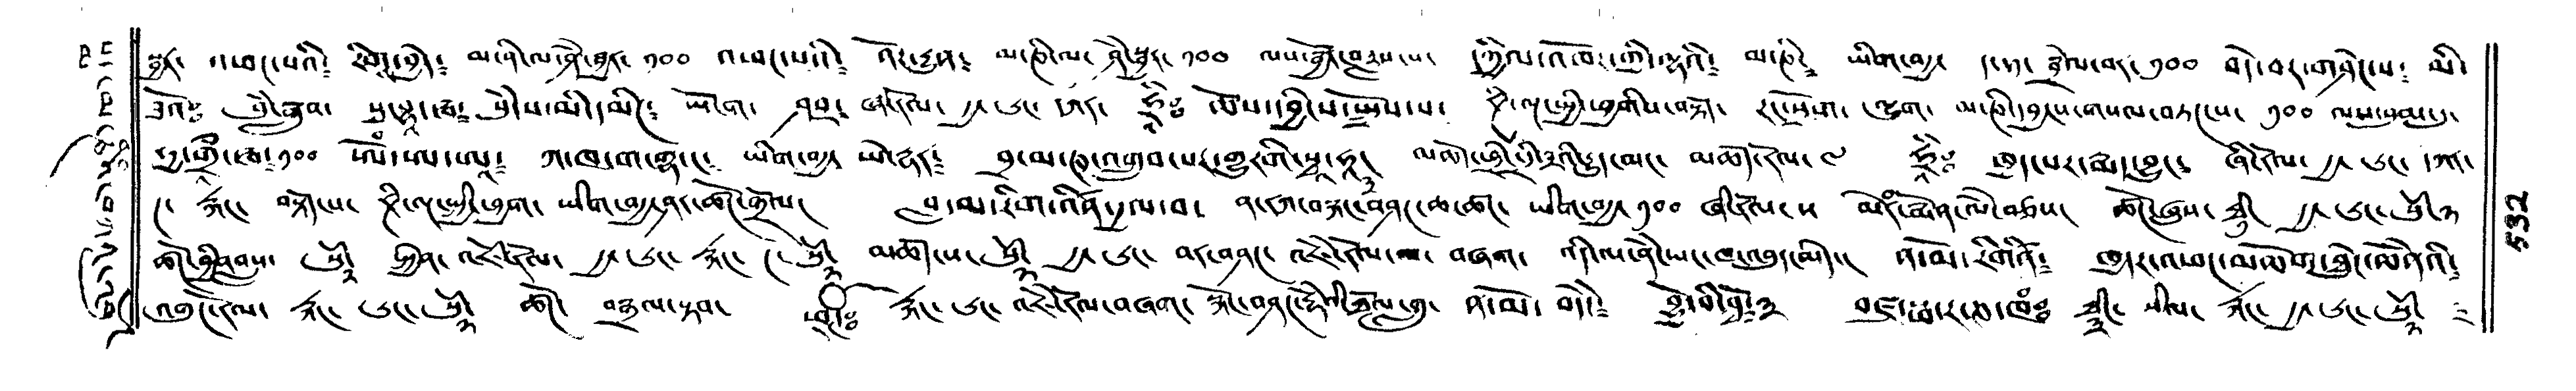སྦྱར། འཕགས་པའི༴ རིག་བྱེད༴ མ་ཎི་ལ་གཤམ་སྦྱར་བརྒྱ། འཕགས་པའི༴ ནོར་རྒྱུན༴ མ་ཎི་ལ་གཤམ་སྦྱར་བརྒྱ། ལས་སྦྱོར་བཟླས་པ། དཀྱིལ་འཁོར་གྱི་ལྷའི༴ མ་ཎི། ཡིག་བརྒྱ། ད་ཧ་སྦྲེལ་བ་བརྒྱ། བདེ་བར་གཤེགས་པ༴ མི་
ཟའོཿ བུམ་སྒྲུབ། སྭ་བྷཱ་ཝ༴ བུམ་པ་མི་དམིགས༴ ཡོ་ག ཤབྟ༴ ཞི་རོལ། རྒྱ། དུང་། དཀར། ཧྲཱིཿ ཆོས་དབྱིངས་སྤྲོས་པ༴ རིགས་ལྔ་སྤྱི་ཕྱག་གིས་བསྟོད།རང་སྲོག༴ ལྷུག མ་ཎི་དབྱངས་གསལ་བཏགས་པ་བརྒྱ། ལས་བུམ་དུ་
ཧྱ་གྲཱྀ་ཝ་བརྒྱ། ཨོཾ་ཨ་ཨཱཿ ཀ་ཁ་ག་གྷ་ང༴ ཡིག་བརྒྱ། ཡེ་དྷར༴ ཤྲ་མ་ཎ་འགྲུབ་པར་གྱུར་ཅིག་སྭ་ཧཱ ཿ གསུམ། མཆོད་ཕྲེང་དྲི་ཟའི་རྒྱུད་མང་། མཆོད་རོལ་བཞི། ཧྲཱིཿ ཁྱད་པར་རྨད་བྱུང༴ ཞི་རོལ། རྒྱ། དུང་། དཀར། 
ཌཱ། རྐང་། བསྟོད་པ། རིགས་ལྔ་སྤྱི་ཕྱག ཡིག་བརྒྱ་ཤར་ཚོགས་གྲོལ། བླ་མ་རིག་འཛིན་རྒྱལ་བ༴ ན་རཀ་སྐོང་བཤགས་ཆ་ཚང་། ཡིག་བརྒྱ་བརྒྱ། ཞི་རོལ་ལྔ། མར་མེའི་སྨོན་ལམ་བཅས། ཚཽགས་ཞུས། ཐིང་གཅིག རྒྱ། དུང་། སུམ་གཉིས། 
ཚོགས་བྱིན་རླབས། སུམ་གཉིས། སྤྱན་འདྲེན། འཇམ་རོལ། རྒྱ། དུང་། རྐང་། ཌཱ། སུམ་གཉིས། མཆོད་པ། སུམ་གཉིས། རྒྱ། དུང་། བར་བཤགས། འཇམ་རོལ། བཞག འདི་ལ་ནམ་ཡང་ཁ་འབུད་མེད། ན་མོ། རིག་འཛིན༴ ཁྱད་པར་འཕགས་མཆོག་ཐུགས་རྗེ་ཆེན་པོའི༴ 
འགུགས་རོལ། རྐང་། དུང་། སུམ་གཉིས། ཚོགས། བསྒྲལ་བསྟབ། ཕཊཿ རྐང་། དུང་། འཇམ་རོལ་བཞག སྐོང་བཤགས་རྡོ་རྗེའི་ཐོལ་གླུ། ན་མོཿ བདེ་གཤེགས༴ བྷྱོ་བི་ཤྭོ༴ གསུམ། བཛྲ་སྥ་ར་ཎ་ཁཾཿ ཐིང་གསུམ། སིལ། རྐང་། རྒྱ། དུང་། སུམ་གཉིས།